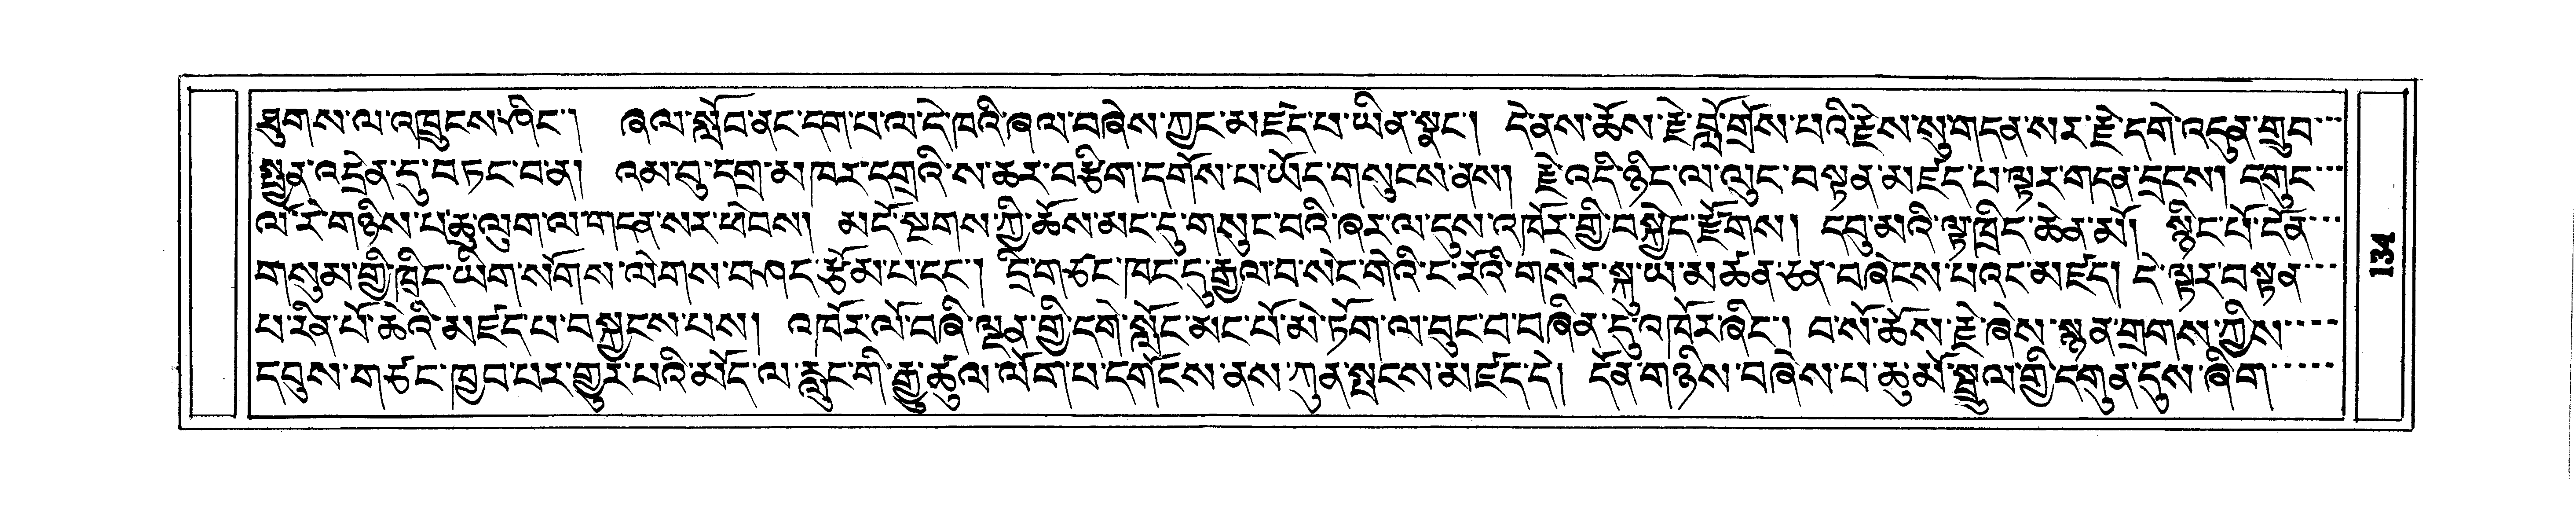ཐུགས་ལ་འཁྲུངས་ཤིང་། ཞལ་སློབ་ནང་དག་པ་ལ་དེ་ཁའི་ཞལ་བཞེས་ཀྱང་མཛད་པ་ཡིན་སྣང་། དེ་ནས་ཆོས་རྗེ་བློ་གྲོས་པའི་རྗེས་སུ་གདན་སར་རྗེ་དགེ་འདུན་གྲུབ་
སྤྱན་འདྲེན་དུ་བཏང་བ་ན། འམ་བུ་དགྲ་མཁར་དགྲའི་ས་ཆར་བརྩིག་དགོས་པ་ཡོད་གསུངས་ནས། རྗེ་འདི་ཉིད་ལ་ལུང་བསྟན་མཛད་པ་ལྟར་གདན་དྲངས། དགུང་
ལོ་རེ་གཉིས་པ་ཆུ་ལུག་ལ་གདན་སར་ཕེབས། མདོ་སྔགས་ཀྱི་ཆོས་མང་དུ་གསུང་བའི་ཞར་ལ་དུས་འཁོར་གྱི་བསྐྱེད་རྫོགས། དབུ་མའི་ལྟ་ཁྲིད་ཆེན་མོ། སྙིང་པོ་དོན་
གསུམ་གྱི་ཁྲིད་ཡིག་སོགས་ལེགས་བཤད་རྩོམ་པ་དང་། དྲི་གཙང་ཁང་དུ་རྒྱལ་བ་སེང་གེའི་ང་རོའི་གསེར་སྐུ་ཡ་མཚན་ཅན་བཞེངས་པའང་མཛད། དེ་ལྟར་བསྟན་
པ་རིན་པོ་ཆེའི་མཛད་པ་བསྐྱངས་པས། འཁོར་ལོ་བཞི་ལྡན་གྱི་དགེ་སློང་མང་པོ་མེ་ཏོག་ལ་བུང་བ་བཞིན་དུ་འཁོར་ཞིང་། བ་སོ་ཆོས་རྗེ་ཞེས་སྙན་གྲགས་ཀྱིས་
དབུས་གཙང་ཁྱབ་པར་གྱུར་པའི་མདོ་ལ་རླུང་གི་རྒྱུ་ཚུལ་ལོག་པ་དགོངས་ནས་ཀུན་སྤངས་མཛད་དེ། དོན་གཉིས་བཞེས་པ་ཆུ་མོ་སྦྲུལ་གྱི་དགུན་དུས་ཞིག་